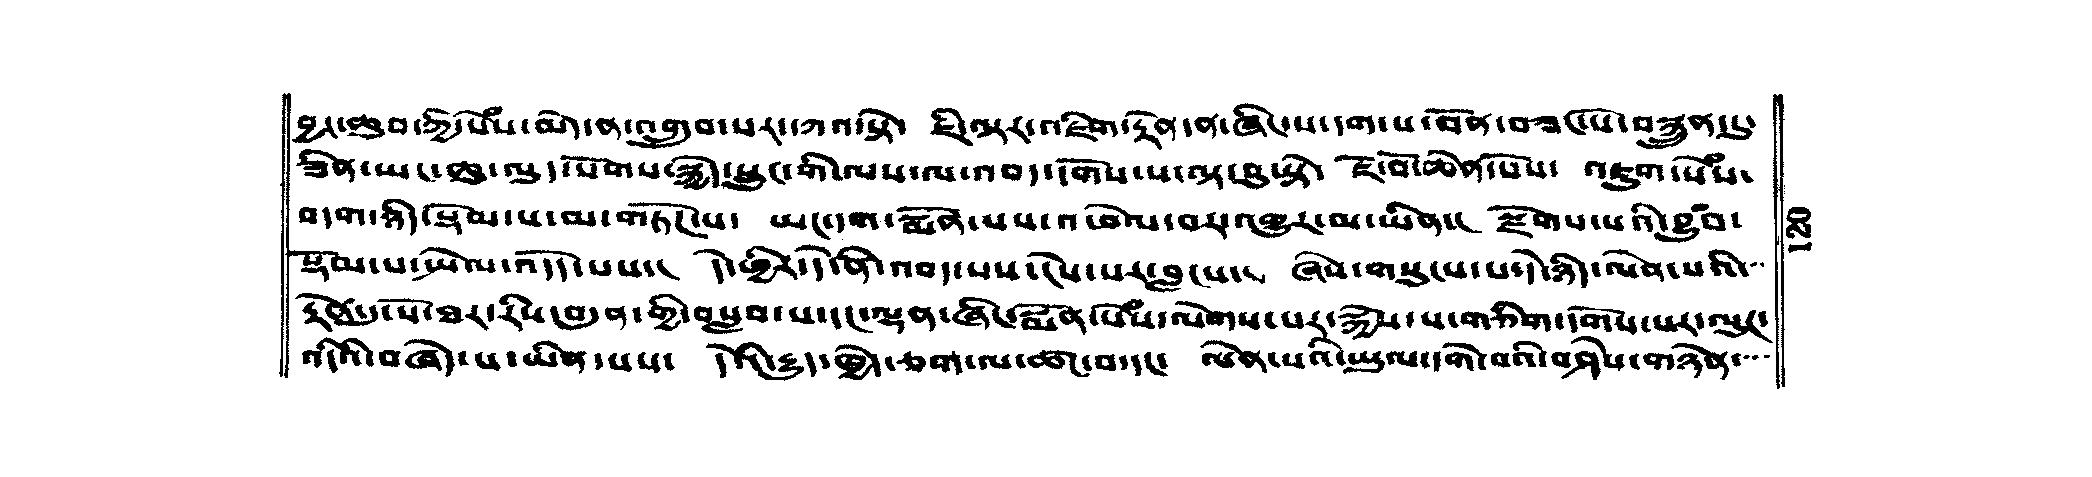བྱང་ཆུབ་ཀྱི་སེམས་མེད་ན་འགྲུབ་པར་དཀའ་སྟེ། ཇི་ལྟར་འཇིག་རྟེན་ན་ཞིང་པ་དག་པ་བོན་བཟང་པོ་བསྐྲུན་དུ་
ཟིན་ཡང་ཆུ་ལུས་སོགས་སྐྱེད་སྡུང་གི་ལས་ལ་འབད་དགོས་པ་ལྟ་བུ་སྟེ། ཇོ་བོ་ཆེན་པོས། འཇུག་སེམས་
བདག་ནིད་སྡོམ་པ་མ་གཏོགས་པ། ཡང་དག་སྨོན་པས་འཕེལ་བར་འགྱུར་མ་ཡིན། རྫོགས་པའི་བྱང་ཆུབ་
སྡོག་པ་སྤྲལ་འདོད་པས། དེ་ཕྱིར་དེ་ནི་འབད་པས་ངེས་པར་བླངས། ཞེས་གསུངས་པ་དེ་ནིད་ལེན་པའི་
རྟེན་དུ་སོ་ཐར་རིས་བདུན་གྱི་བསླབ་པ་དང་ལྡན་ཞིང་སྨོན་སེམས་ལེགས་པར་སྐྱེས་པ་གཅིག་དགོས་པར་ལུགས་
འདིའི་བཞེད་པ་ཡིན་པས། དེའི་རྒྱུད་ཁྱེད་ཅག་ལ་ཚང་བ་དང་། ལེན་པའི་ཡུལ་དགེ་བའི་བཤེས་གཉེན་